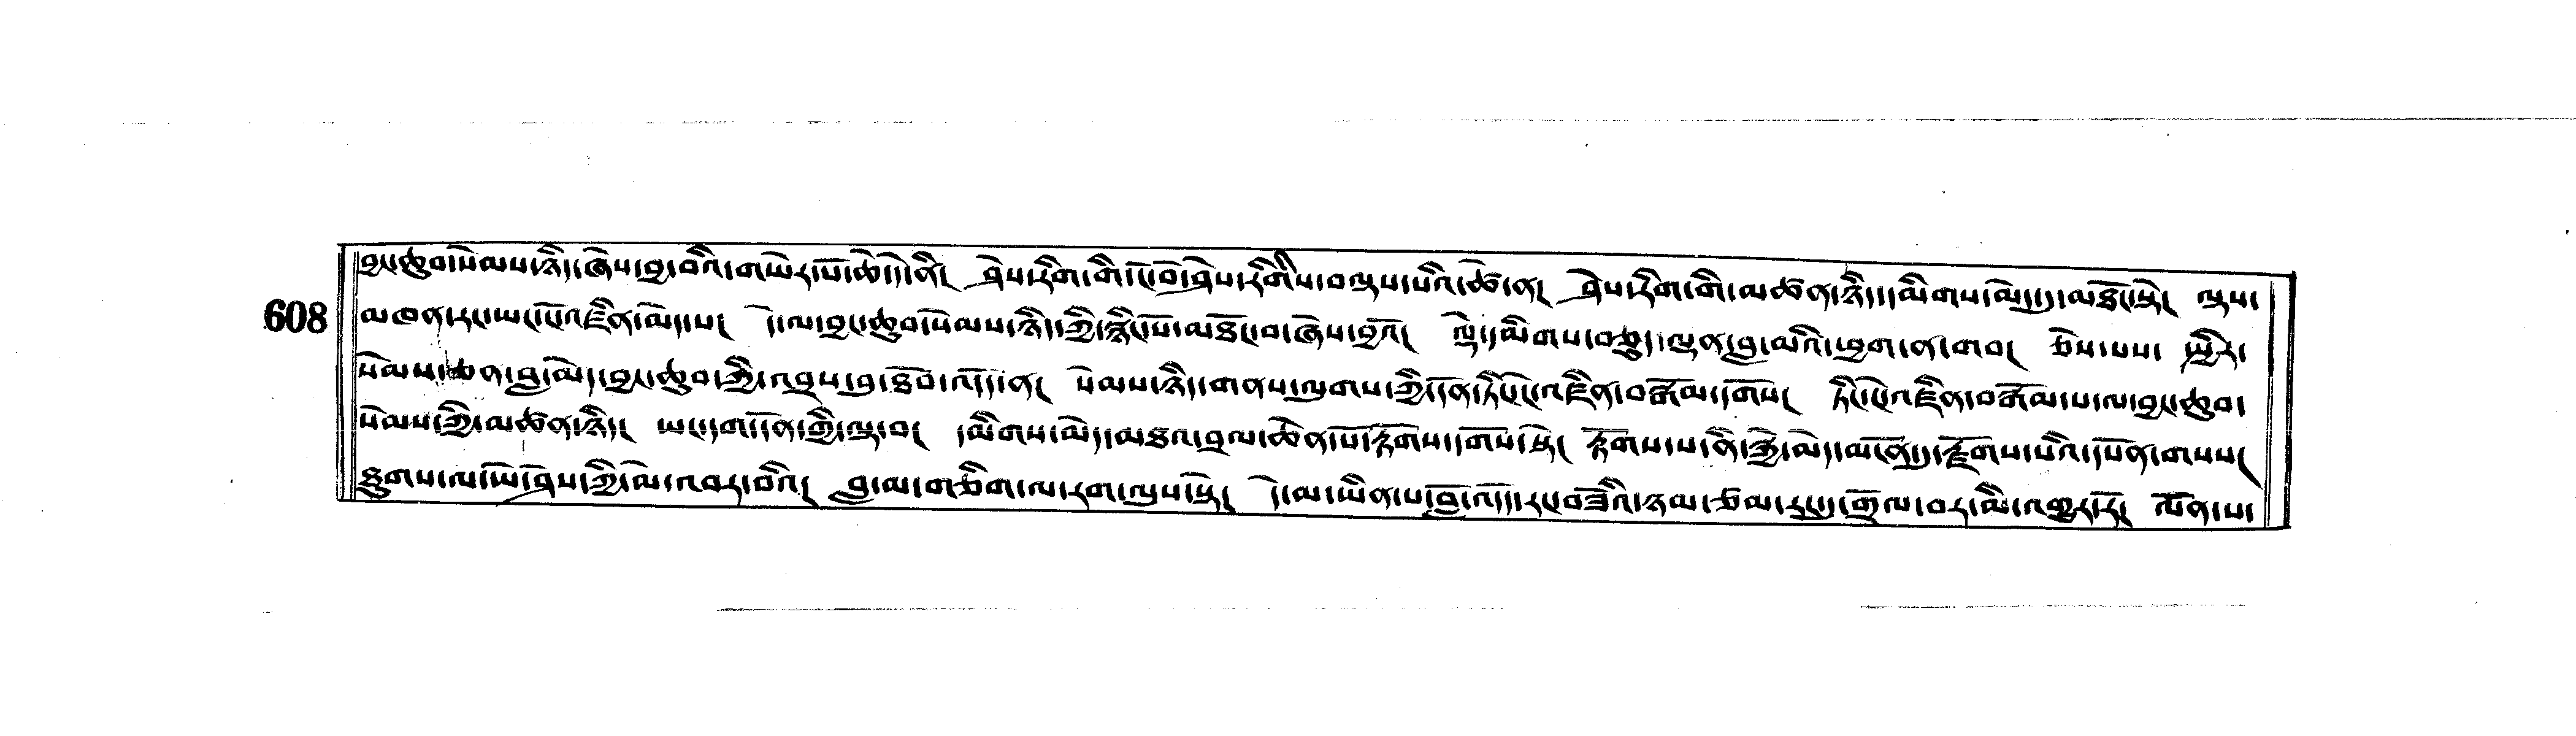བྱང་ཆུབ་སེམས་ཉིད་ཅེས་བྱ་བའི་གཡེར་པོ་ཆེ་དེ་ནི། ཤེས་རིག་གི་ངོ་བོ་ཤེས་རིག་གིས་བལྟས་པའི་ཚེ་ན། ཤེས་རིག་མཚན་ཉིད་དམིགས་མེད་དུ་མཐོང་སྟེ། ལྟ་
མཁན་རང་ཡང་ངོས་འཛིན་མེད་པ། དེ་ལ་བྱང་ཆུབ་སེམས་ཉིད་ཀྱི་སྙིང་པོ་མཐོང་བ་ཞེས་བྱའོ། ལྡེ་མིག་བཅུད་ལྡན་བླ་མའི་ཕྱག་ན་གབ། ཅེས་པས། སྤྱིར་
སེམས་ཅན་བླ་མེད་བྱང་ཆུབ་ཀྱི་འབྲས་བུ་ཐོབ་འདོད་ན། སེམས་ཉིད་གནས་ལུགས་ཀྱི་དོན་ཏིང་ངེ་འཛིན་བསྒོམ་དགོས། ཏིང་ངེ་འཛིན་བསྒོམ་པ་ལ་བྱང་ཆུབ་
སེམས་ཀྱི་མཚན་ཉིད། ཡང་དག་དོན་གྱི་ལྟ་བ། དམིགས་མེད་མཐའ་བྲལ་ཆེན་པོ་རྟོགས་དགོས་ཏེ། རྟོགས་པ་ནི་སྐྱེ་མེད་མངོན་དུ་རྫོགས་པའི་དཔོན་གསས། 
ཐུགས་ལ་ཡེ་ཤེས་ཀྱི་མེ་འབར་བའི། བླ་མ་གཅིག་ལ་རག་ལུས་ཏེ། དེ་མ་ཡིན་པ་བློ་འདོད་རང་བཟོའི་ཉམས་ཙམ་རང་དུ་གྲོལ་བར་མི་འགྱུར་རོ། ལོན་པ་